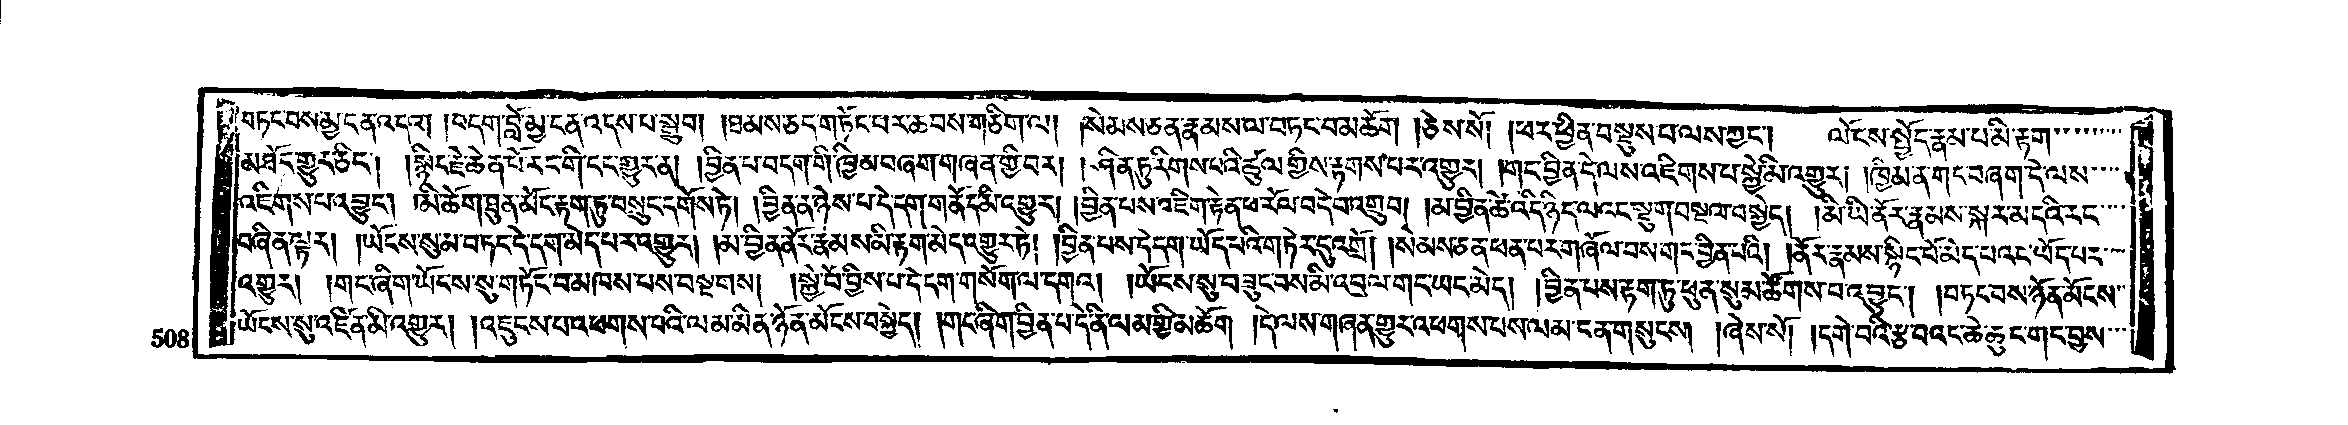བཏང་བས་མྱ་ངན་འདའ། །བདག་བློ་མྱ་ངན་འདས་པ་སྒྲུབ། །ཐམས་ཅད་གཏོང་བར་ཆབས་གཅིག་ལ། །སེམས་ཅན་རྣམས་ལ་བཏང་བ་མཆོག །ཅེས་སོ། །ཕར་ཕྱིན་བསྡུས་པ་ལས་ཀྱང་། ལོངས་སྤྱོད་རྣམ་པ་མི་རྟག་
མཐོང་གྱུར་ཅིང་། །སྙིང་རྗེ་ཆེན་པོ་རང་གི་ངང་གྱུར་ན། །བྱིན་པ་བདག་གི་ཁྱིམ་བཞག་གཞན་གྱི་བར། །ཤིན་ཏུ་རིགས་པའི་ཚུལ་གྱིས་རྟོགས་པར་འགྱུར། །གང་བྱིན་དེ་ལས་འཇིགས་པ་སྐྱེ་མི་འགྱུར། །ཁྱིམ་ན་གང་བཞག་དེ་ལས་
འཇིགས་པ་འབྱུང་། །མི་ཆོག་ཐུན་མོང་རྟག་ཏུ་བསྲུང་དགོས་ཏེ། །བྱིན་ན་ཉེས་པ་དེ་དག་གནོད་མི་འགྱུར། །བྱིན་པས་འཇིག་རྟེན་ཕ་རོལ་བདེ་བ་འགྲུབ། །མ་བྱིན་ཚེ་འདི་ཉིད་ལའང་སྡུག་བསྔལ་བསྐྱེད། །མི་ཡི་ནོར་རྣམས་སྐར་མདའི་རང་
བཞིན་ལྟར། །ཡོངས་སུ་མ་བཏང་དེ་དག་མེད་པར་འགྱུར། །མ་བྱིན་ནོར་རྣམས་མི་རྟག་མེད་འགྱུར་ཏེ། །བྱིན་པས་དེ་དག་ཡོད་པའི་གཏེར་དུ་འགྲོ། །སེམས་ཅན་ཕན་པར་གཞོལ་བས་གང་བྱིན་པའི། །ནོར་རྣམས་སྙིང་པོ་མེད་པའང་ཡོད་པར་
འགྱུར། །གང་ཞིག་ཡོངས་སུ་གཏོང་བ་མཁས་པས་བསྔགས། །སྐྱེ་བོ་བྱིས་པ་དེ་དག་གསོག་ལ་དགའ། །ཡོངས་སུ་བཟུང་བས་མི་འབྲལ་གང་ཡང་མེད། །བྱིན་པས་རྟག་ཏུ་ཕུན་སུམ་ཚོགས་པ་འབྱུང་། །བཏང་བས་ཉོན་མོངས་
ཡོངས་སུ་འཛིན་མི་འགྱུར། །འཇུངས་པ་འཕགས་པའི་ལམ་མིན་ཉོན་མོངས་བསྐྱེད། །གང་ཞིག་བྱིན་པ་དེ་ནི་ལམ་གྱི་མཆོག །དེ་ལས་གཞན་གྱུར་འཕགས་པས་ལམ་ངན་གསུངས། །ཞེས་སོ། །དགེ་བའི་རྩ་བའང་ཆེ་ཆུང་གང་བྱས་